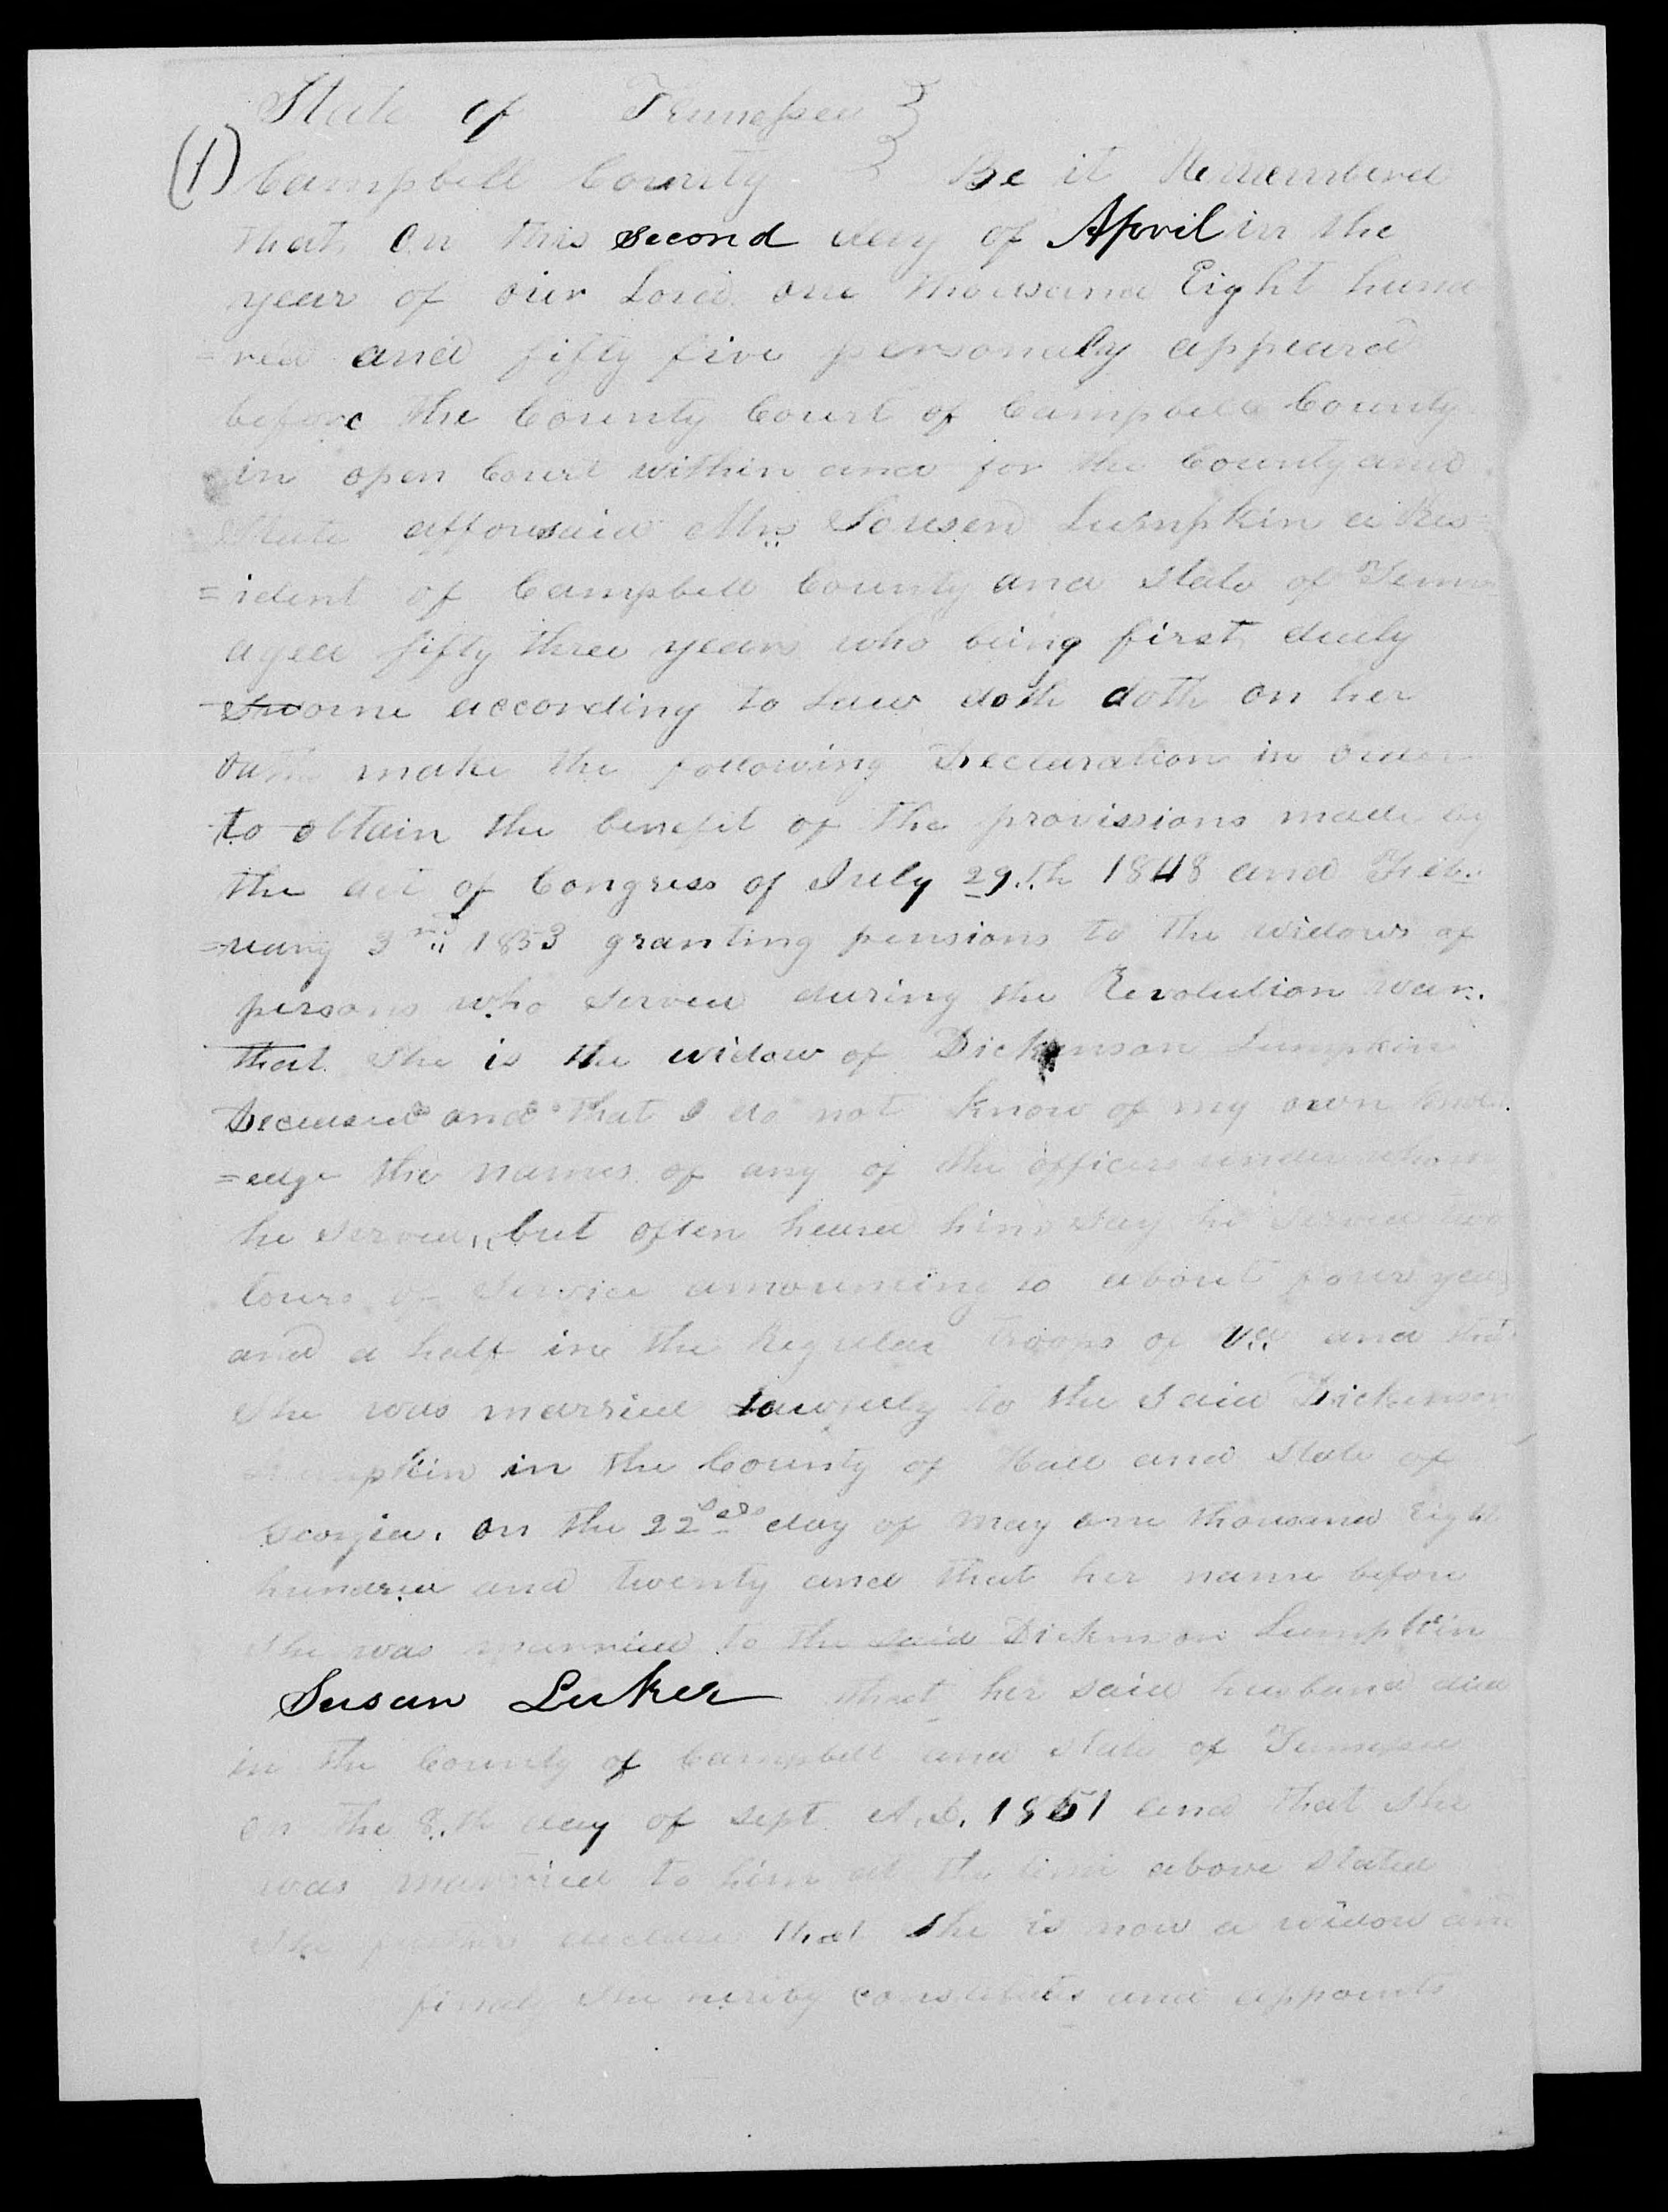(handwritten document, text is faint)

State of Tennessee
(1) Campbell County

Be it Remembered that on this second day of April in the year of our Lord one thousand Eight hundred and fifty five personally appeared before the County Court of Campbell County in open Court within and for the County and State afforesaid Mrs Susan  Lumpkin resident of Campbell County and State of Tenn aged fifty three years who being first duly sworn according to law doth doth on her oath make the following declaration in order to obtain the benefit of the provisions made by the act of Congress of July 29th 1848 and February 3rd 1853  ranting pensions to the widows of persons who served during the Revolution war that she is the widow of Dickinson Lumpkin and that I do not know of my own knowledge the names of any of the officers under whom he served, but often heard him say he served two tours of service amounting to about four and a half in the Regular troops of Va and she was married lawfully to the said Dickinson Lumpkin in the County of Hall and State of Georgia, on the 22d day of May one thousand eight hundred and twenty and that her name before
she was married to the said Dickson Lumpkin
Susan Luker that her said husband died in the County of Campbell and State of Tennessee
on the 8th day of Sept A.D. 1851 and that she
was married to him at the time above stated
she declares that she is now a widow and
finally she hereby constitute and appoints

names: Dickinson Lumpkin; Susan Luker; Sousen Lumpkin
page: 11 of 37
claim: rejected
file: R. 6521, for Dickeson Lumpkin, Pennsylvania